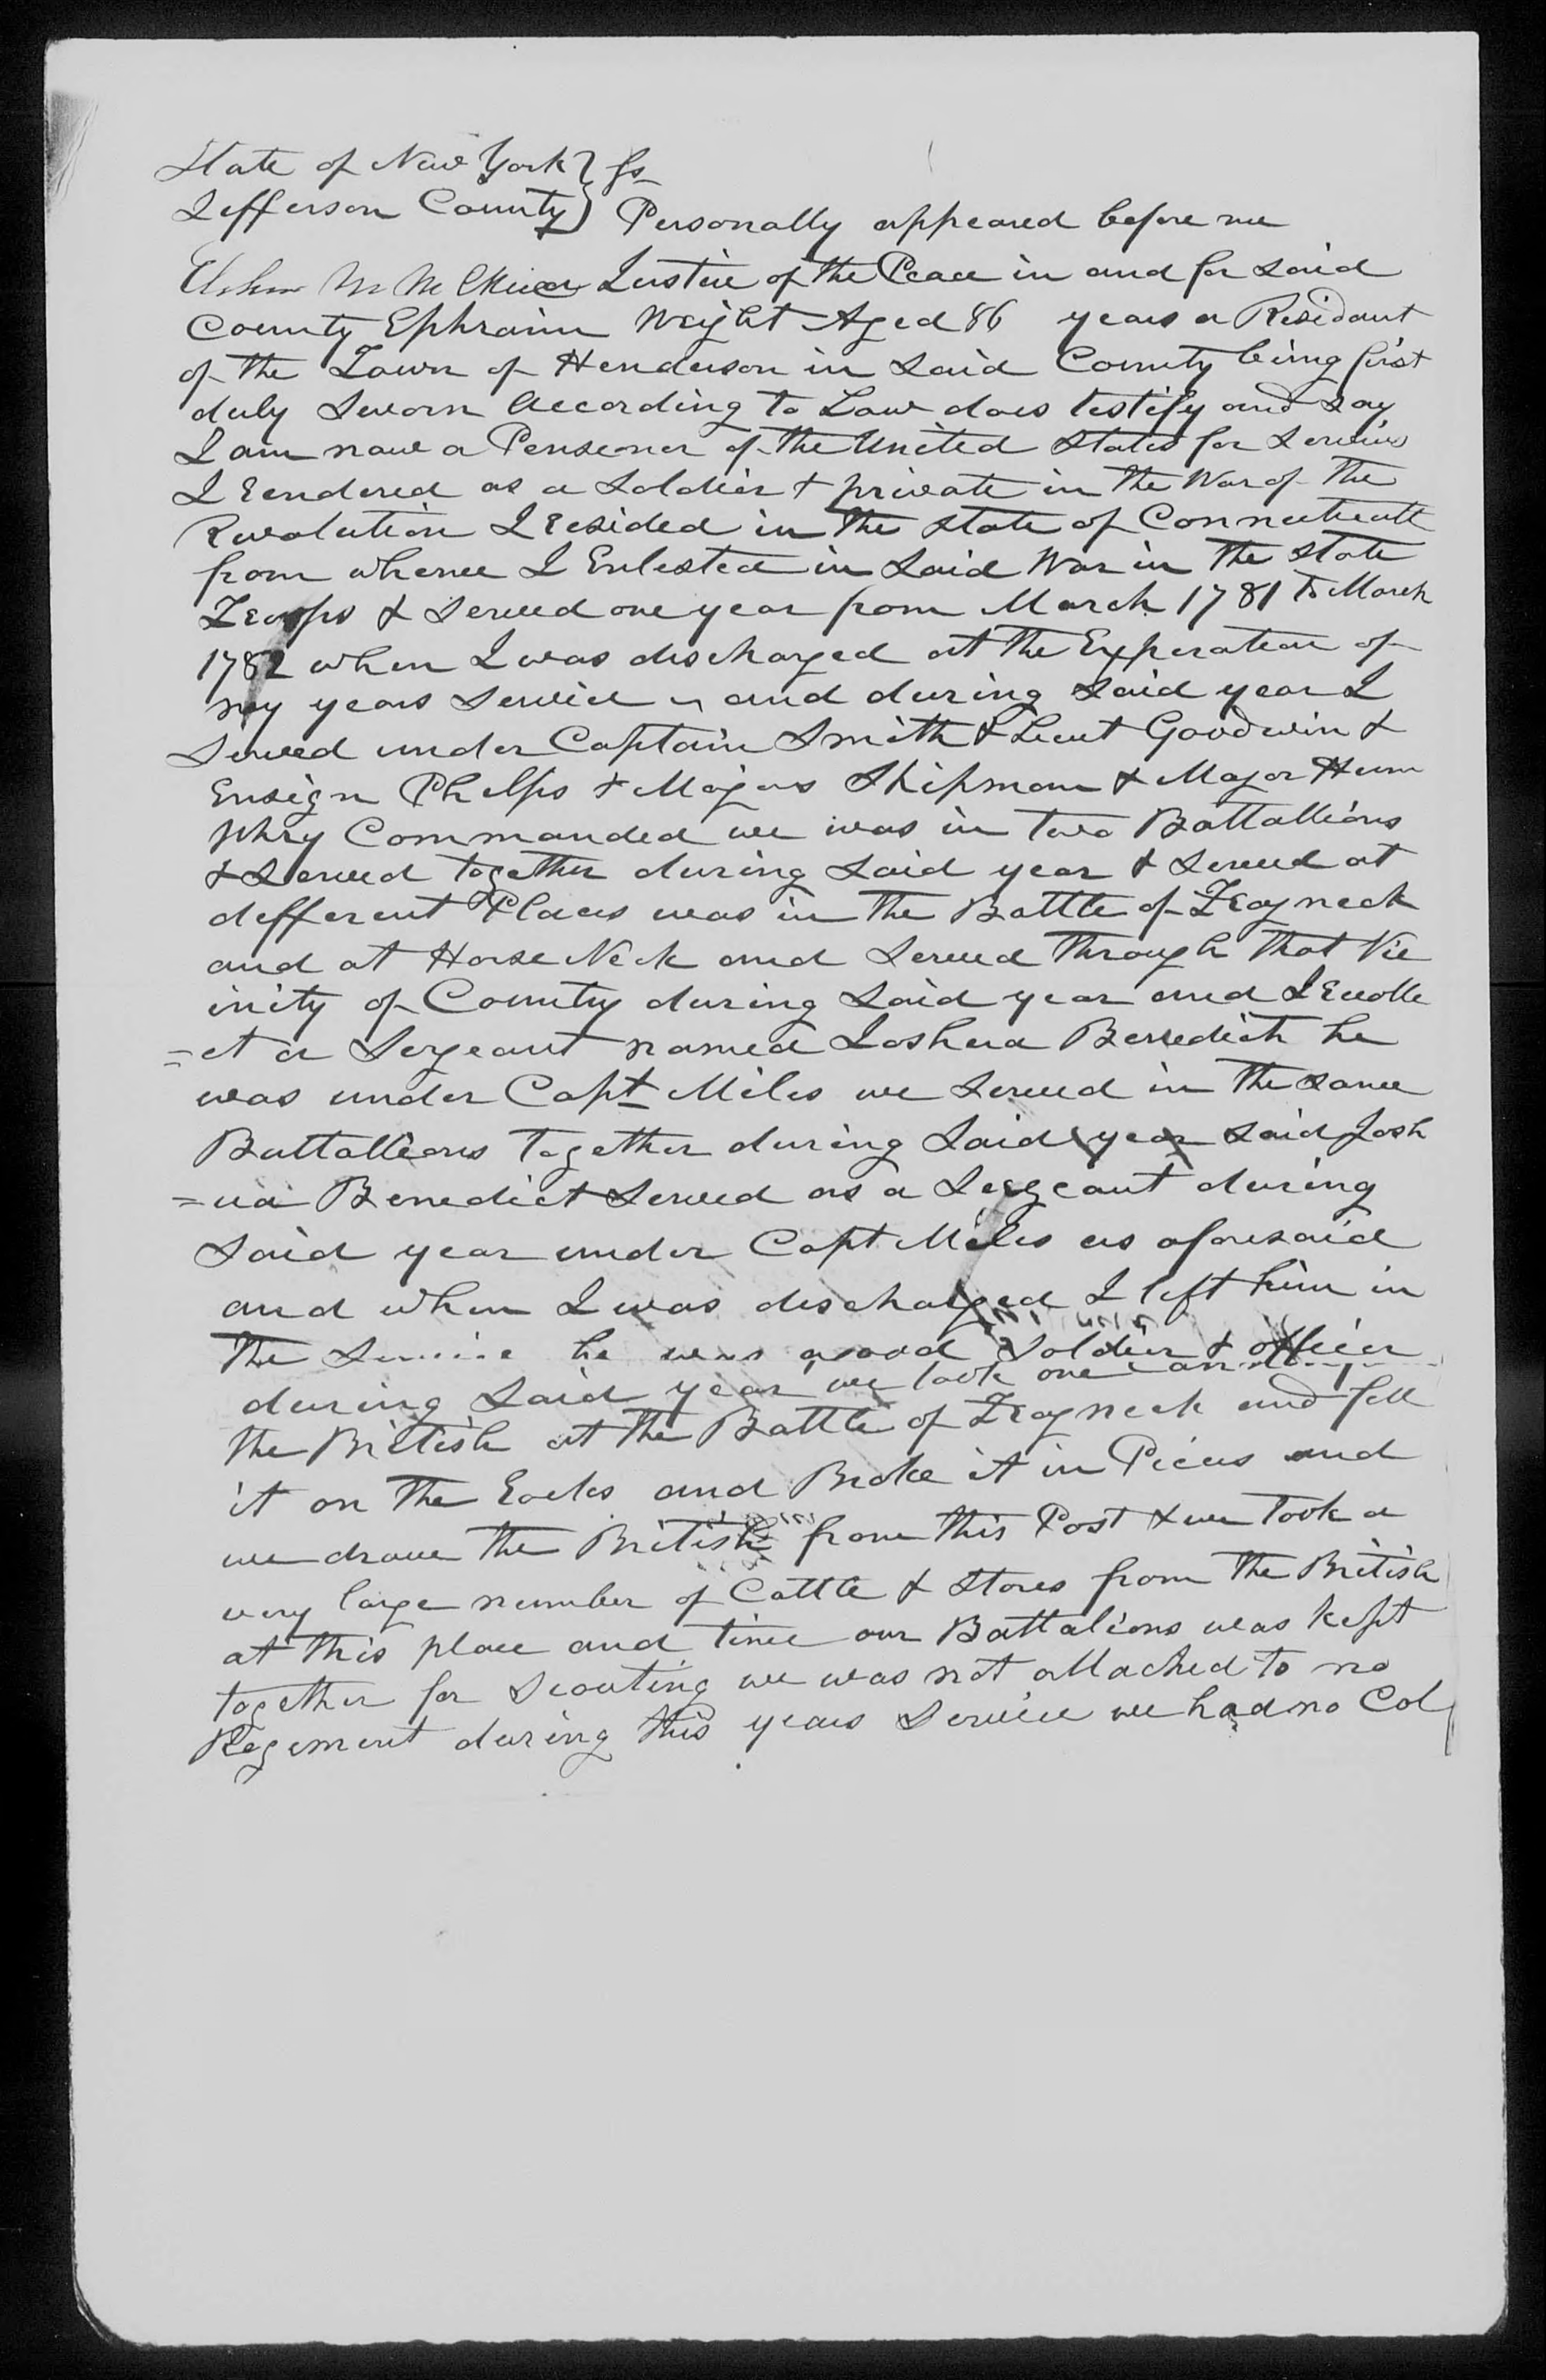State of New York
Jefferson County } Ss
Personally appeared before me Elihu M McNeil Justice of the Peace in and for said County Ephraim Weight Aged 86 years a Residant [resident] of the Town of Henderson in said County being first duly sworn according to Law does testify and say I am now a Pensioner of the United States for services I rendered as a soldier & private in the War of the Revolution I resided in the state of Connecticutt [Connecticut] from whence I Enlisted in said War in the state Troops & served one year from March 1781 to March 1782 when I was discharged at the Expiration of my years service ~ and during said year I served under Captain Smith & Lieut Goodwin & Ensign Phelps & Majors Shipman & Major Humphry [Humphreys] Commanded we was in two Battallions [battalions] & served together during said year & served at different Places was in the Battle of Frogneck and at Horse Neck and served through that Vicinity of Country during said year and I recollect a Sergeant named Joshua Benedict he was under Capt Miles we served in the same Battallions [battalions] together during said year said Joshua Benedict served as a sergeant during said year under Capt. Miles as aforesaid and when I was discharged I left him in the service he was a good soldier & officer during said year we took one Cannon from the British at the Battle of Frogneck and fell it on the rocks and Broke it in Pieces and we drove the British from this Post & we took a very large number of Cattle & stores from the British at this place and time our Battalions was kept together for scouting we was not attached to no Regiment during this years service we had no Col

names: Smith, Miles, Miles, Elihu M Mcniel, Goodwin, Miles, Shipman, Humphry, Joshua Benedict, Ephraim Weight, Phelps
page: 63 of 106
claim: survivor's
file: S 23,116., Joshua Benedict, Conn.